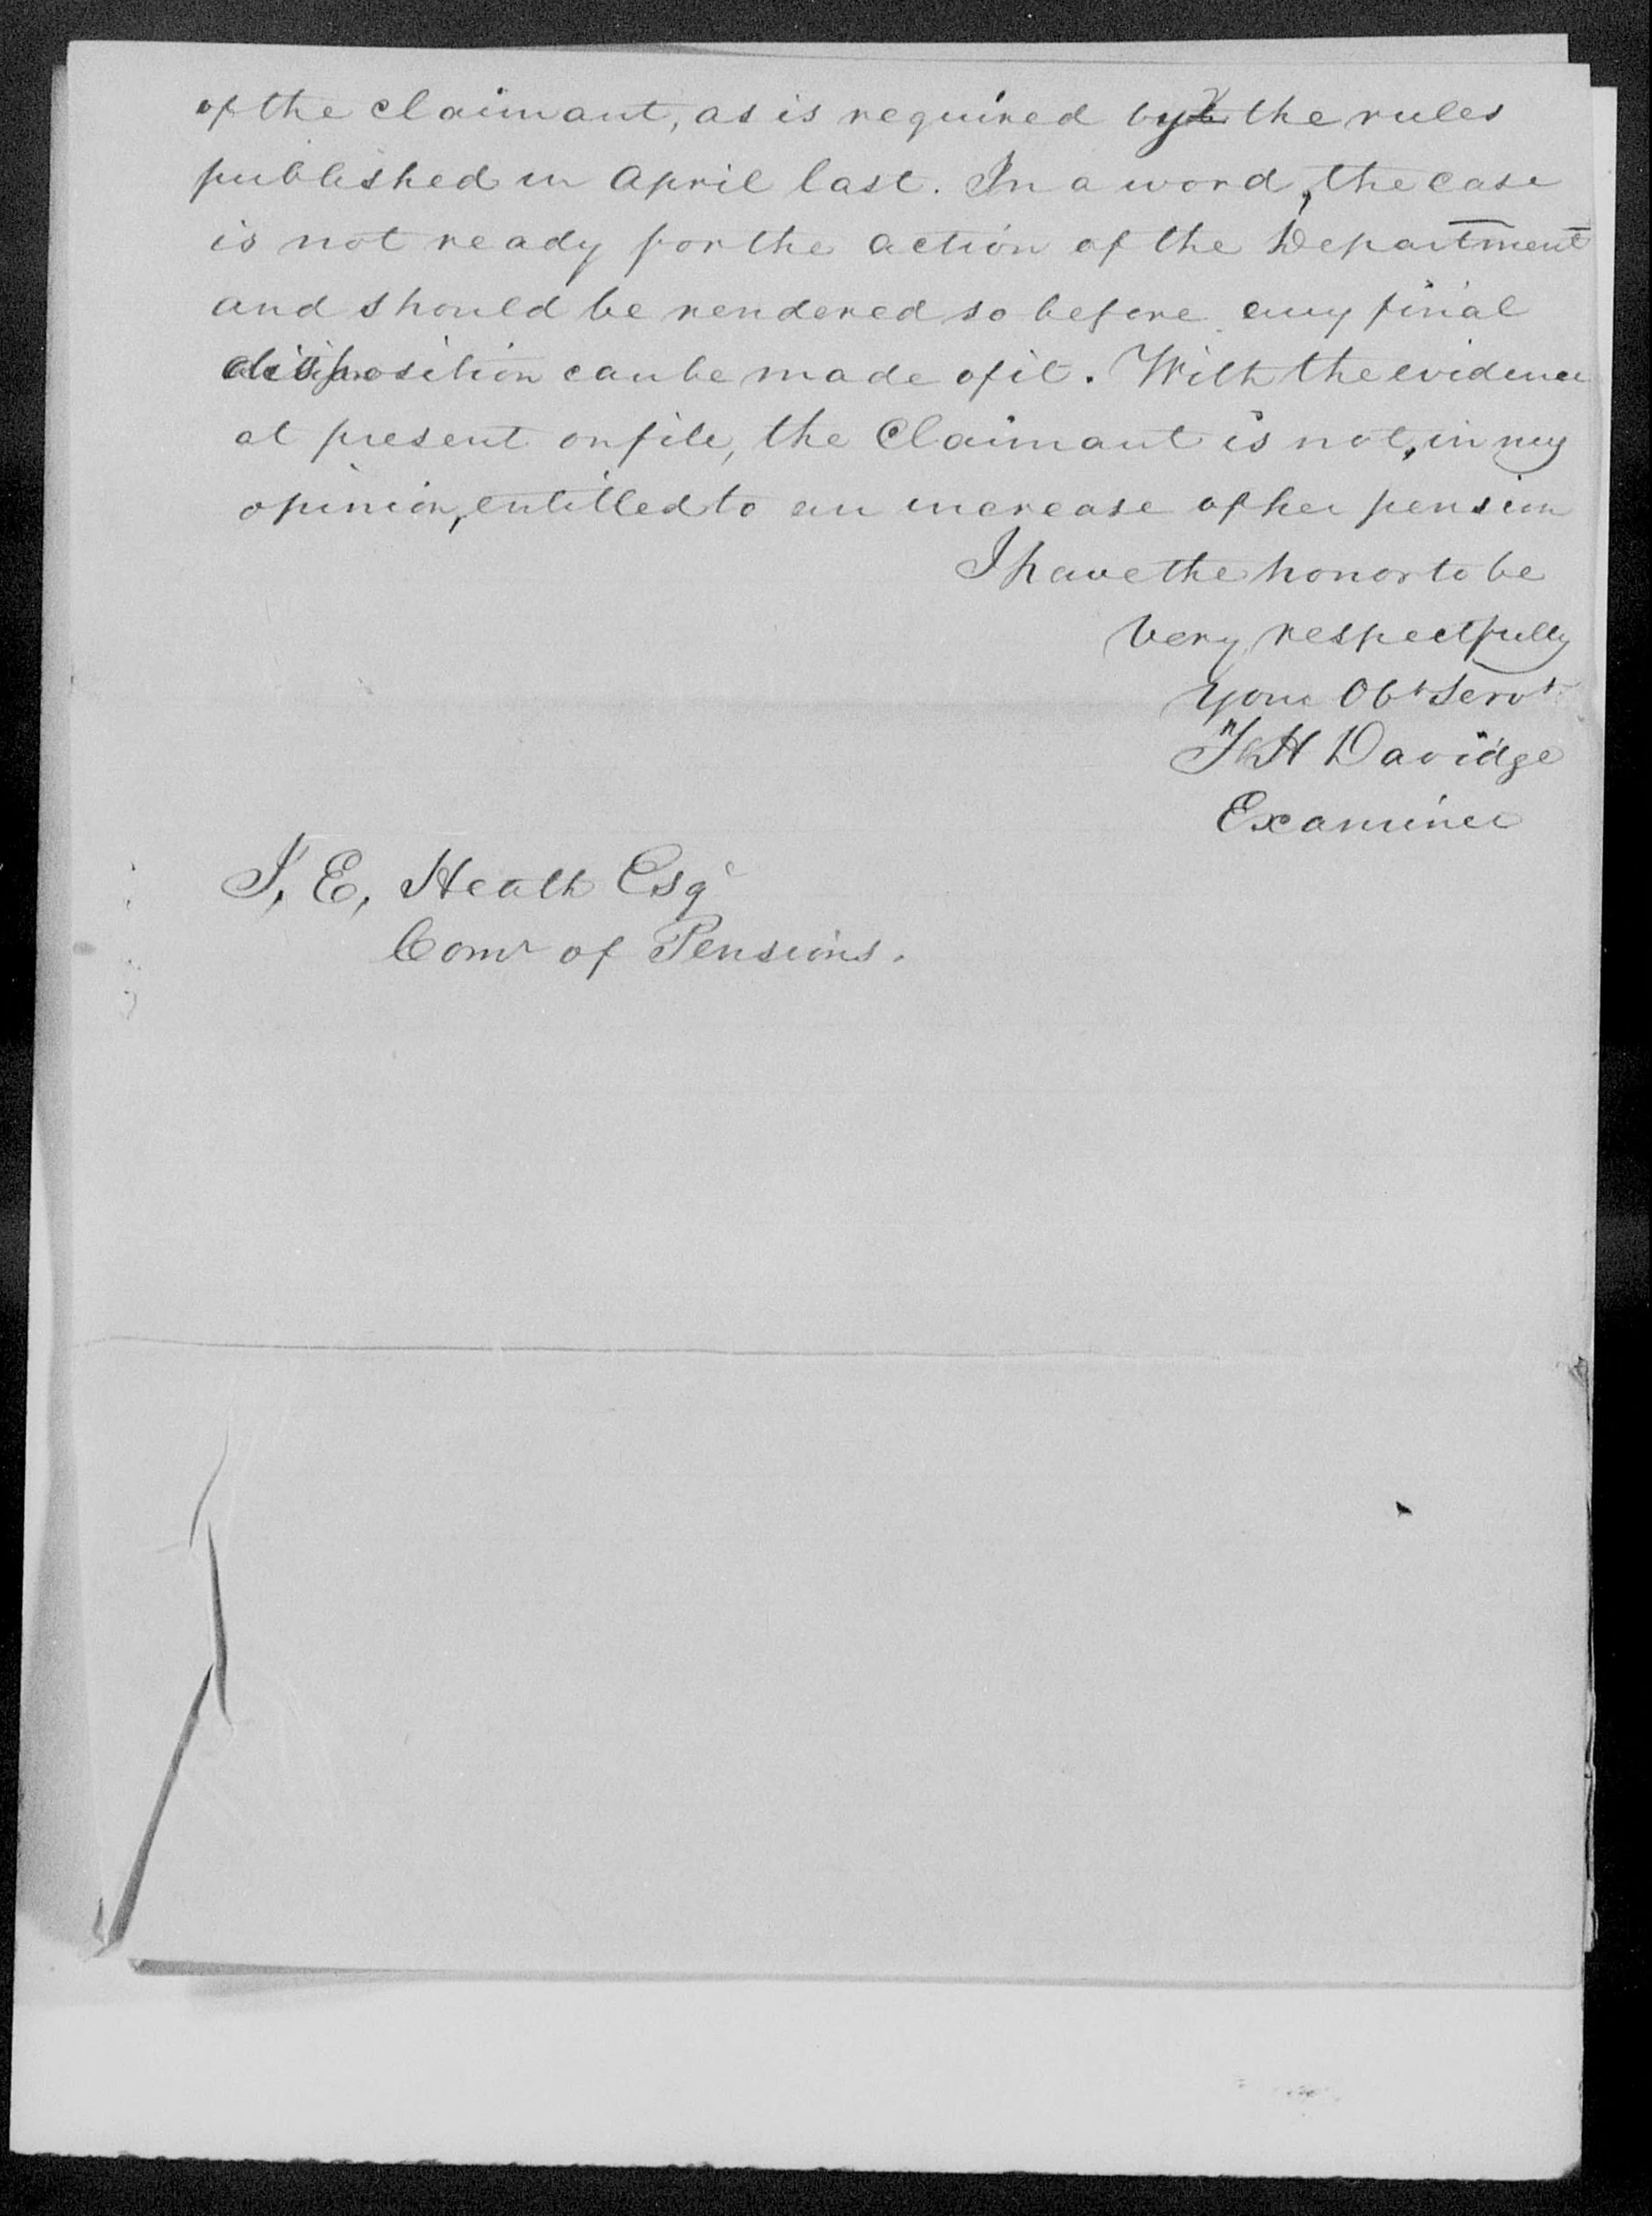of the claimant, as is required by the rules published in April last. In a word, the case is not ready for the action of the Department and should be rendered so before any final disposition can be made of it. With the evidence at present on file, the claimant is not, in my opinion, entitled an increase of her pension.
I have the honor to be very respectfully Your Obt Servt
J H Davidge
Examiner


J. E. Heath Esqe
Come of Pensions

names: J E Heath, F H Davidge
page: 90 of 267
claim: widow's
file: W. 4,149, William Campbell, Va.